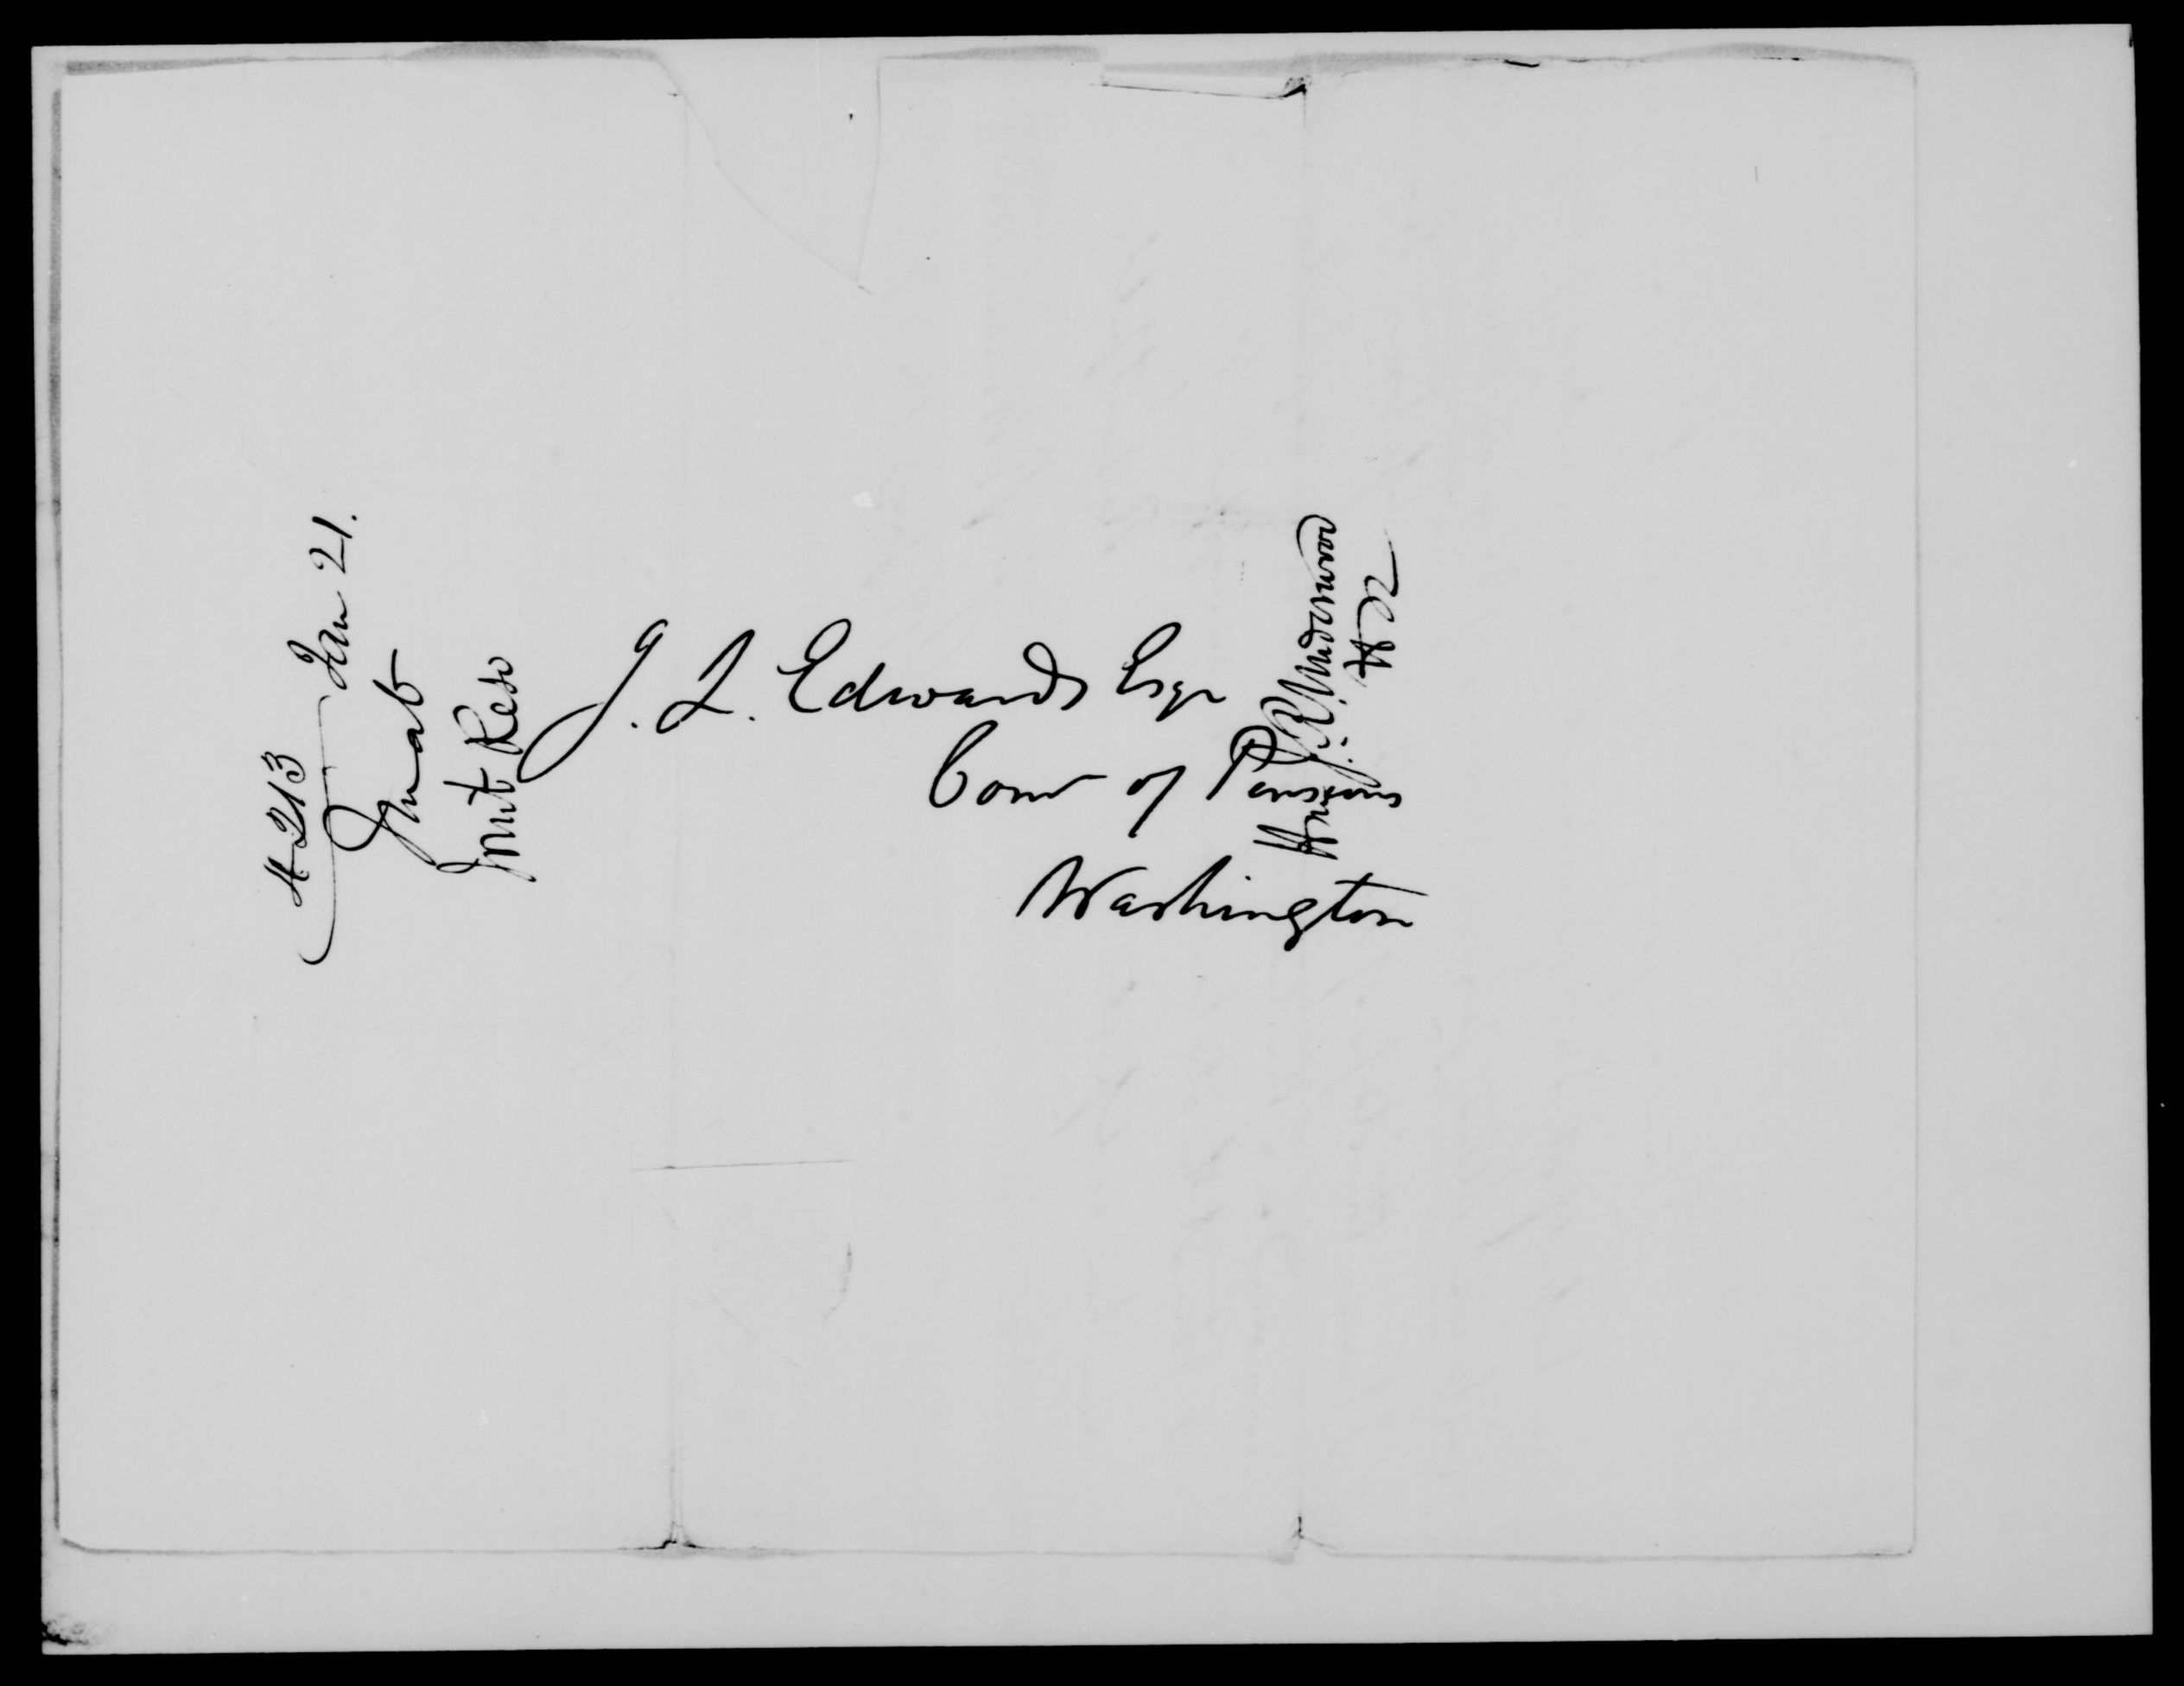J. L. Edwards Esqr
Comr of Pensions
Washington

[writing perpendicular to above]
H213
Jan 21
[illegible]
[illegible]
Hon JR Underwood
HR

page: 68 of 99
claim: widow's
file: W 8766, for James Stevens, Virginia